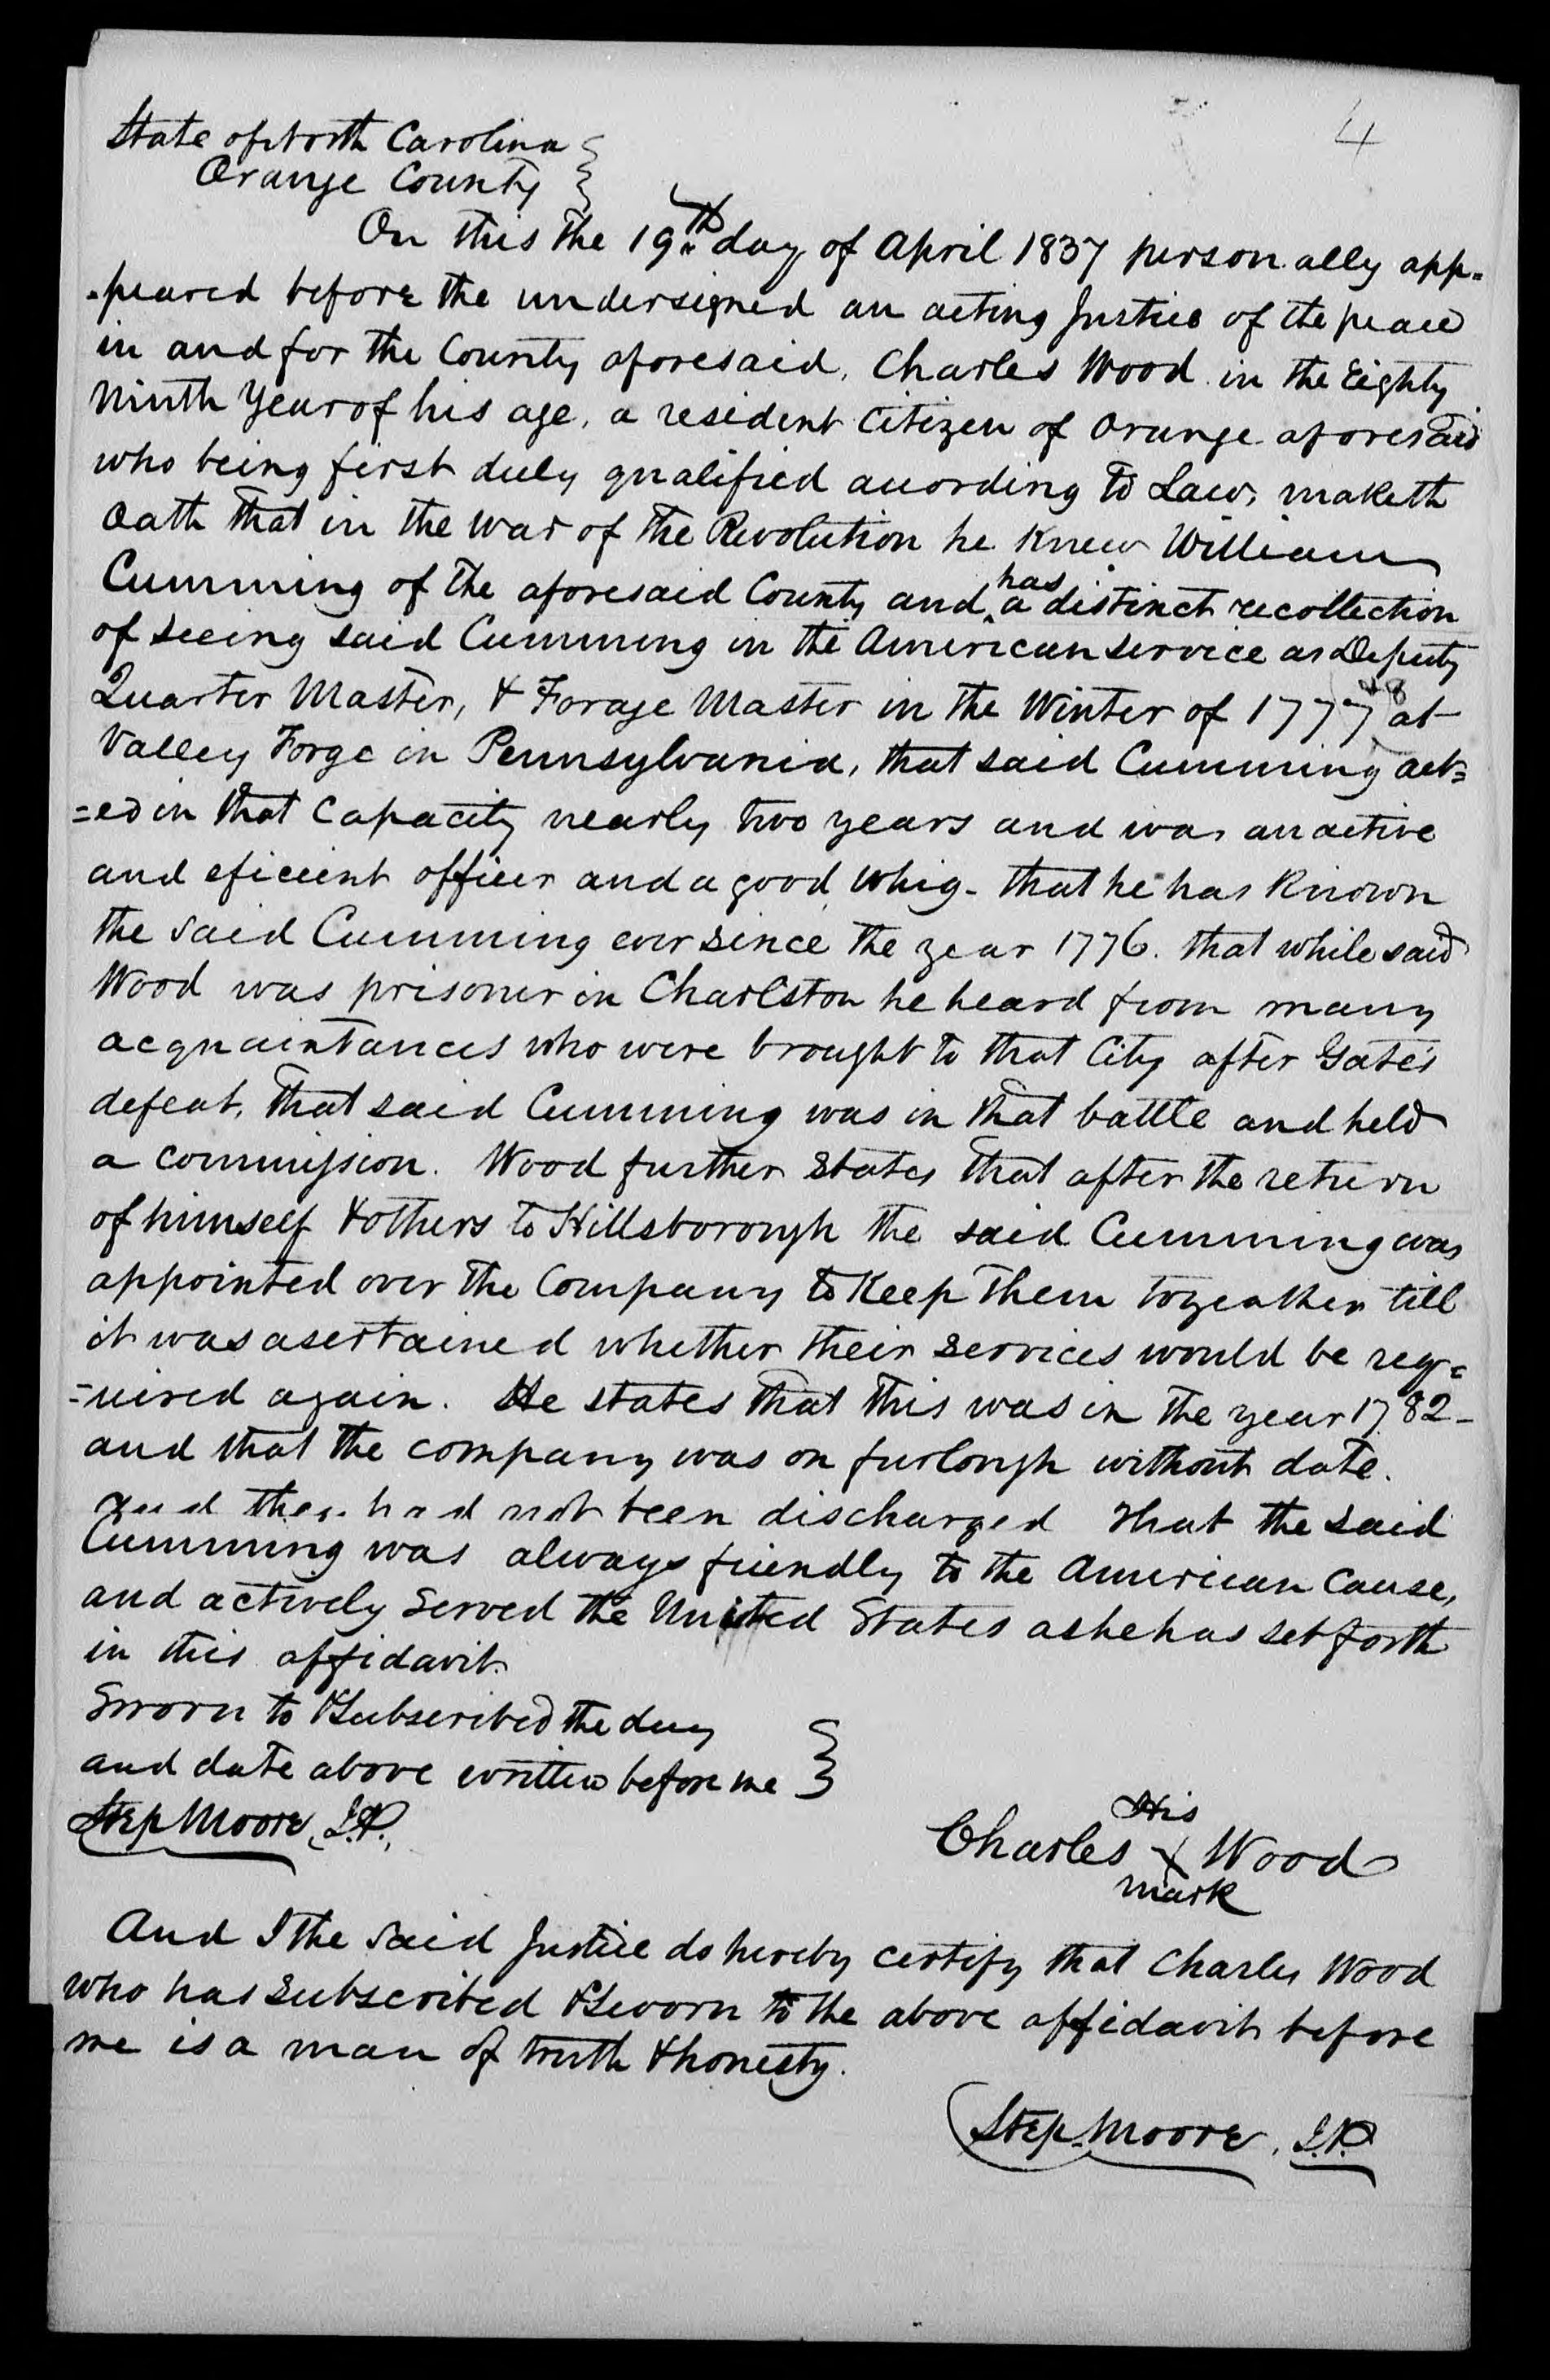[Handwritten record. There is a "4" written in what appears to be pencil, near the top right hand corner of the page. Occasional spacing has been included to make the long text block easier to read.]

State of North Carolina)
Orange County)

On this the 19th. day of April 1837 personally appeared before the undersigned an acting Justice of the peace in and for the County aforesaid, Charles Wood in the Eighty Ninth Year of his age, a resident Citizen of Orange aforesaid who being first duly qualified according to Law, maketh oath that in the War of the Revolution he Knew William Cumming of the aforesaid County and ^has a distinct recollection of Seeing said Cumming in the American service as Deputy Quarter Master, and Forage Master in the Winter of 1777 ^& 8 [and 1778] at Valley Forge in Pennsylvania, 

that said Cumming acted in that Capacity nearly two years and was an active and eficient [efficient] officer and a good Whig.  that he "has Known the said Cumming ever since the year 1776.  that while said Wood was prisoner in Charlston he heard from many acquaintances who were brought to that City after Gate's defeat, that said Cumming was in that battle and held a Commission.

Wood further States that after the return of himself and others to Hillsborough the said Cumming was apppointed over the Company to Keep Them togeather [together] till it was asertained [ascertained] whether their Services would be required again.  He states that this was in the year 1782_ and that the company was on furlough without date. And they had not been discharged  That the Said Cumming was always friendly to the American Cause, and actively Served the United States as he has set forth in this affidavit.

[Signature in the form of making his mark:] Charles [His X mark] Wood

Sworn to and Subscribed the day)
and date above written before me)
[Underlined signature] Step [shortened form of Stephen] Moore J.P. [Justice of the Peace]

And I the Said Justice do hereby certify that Charles Wood who has Subscribed and Sworn to the above affidavit before me is a man of truth and honesty.

[Underlined signature:] Step. [shortened form of Stephen] Moore, J.P. [Justice of the Peace]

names: Charles Wood, Step Moore, Cumming, Cumming, Cumming, Wood, Step Moore, Cumming, Gate, William Cumming, Cumming, Charles Wood, Cumming, Charles Wood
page: 126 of 145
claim: survivor's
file: S. 8265, William Cumming, N.C.